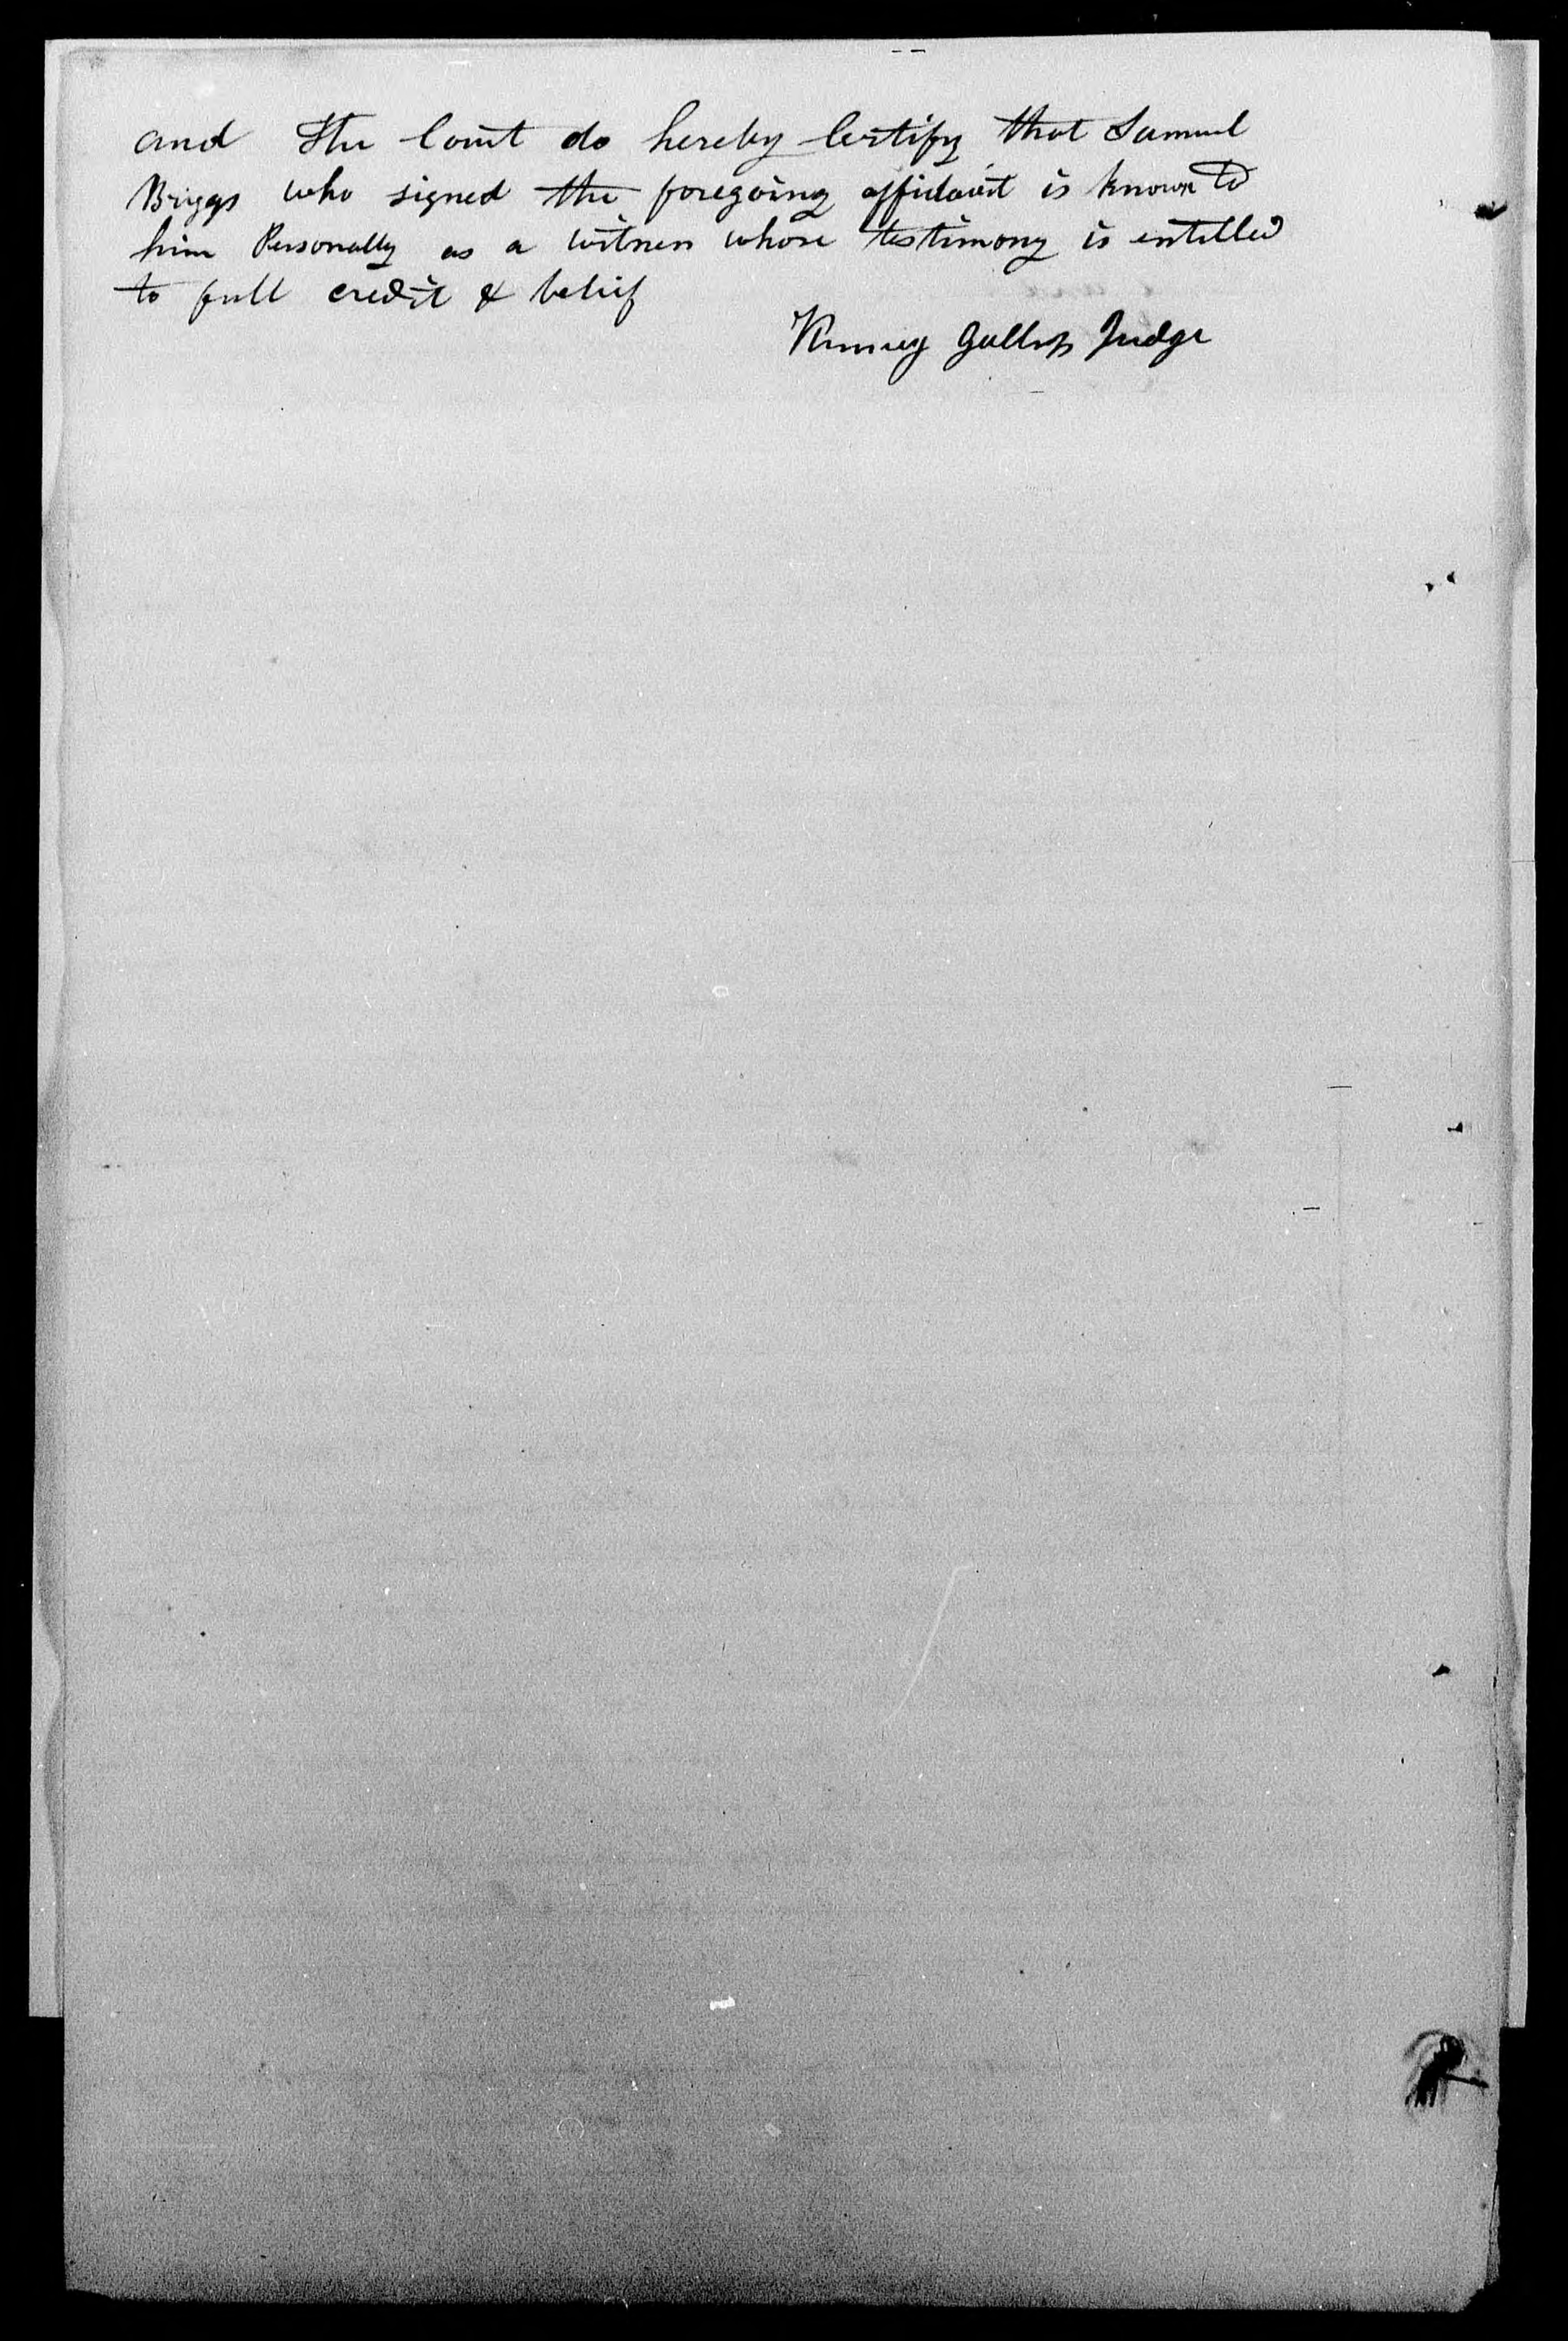and the Court do hereby Certify that Samuel Briggs who signed the foregoing affidavit is known to him personally as a witness testimony is entitled to full credit &  belief

                Kenney Gallup    Judge























p7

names: Samuel Briggs, Kenney Gallup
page: 23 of 37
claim: survivor's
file: S. 12,281, William Briggs, Conn.